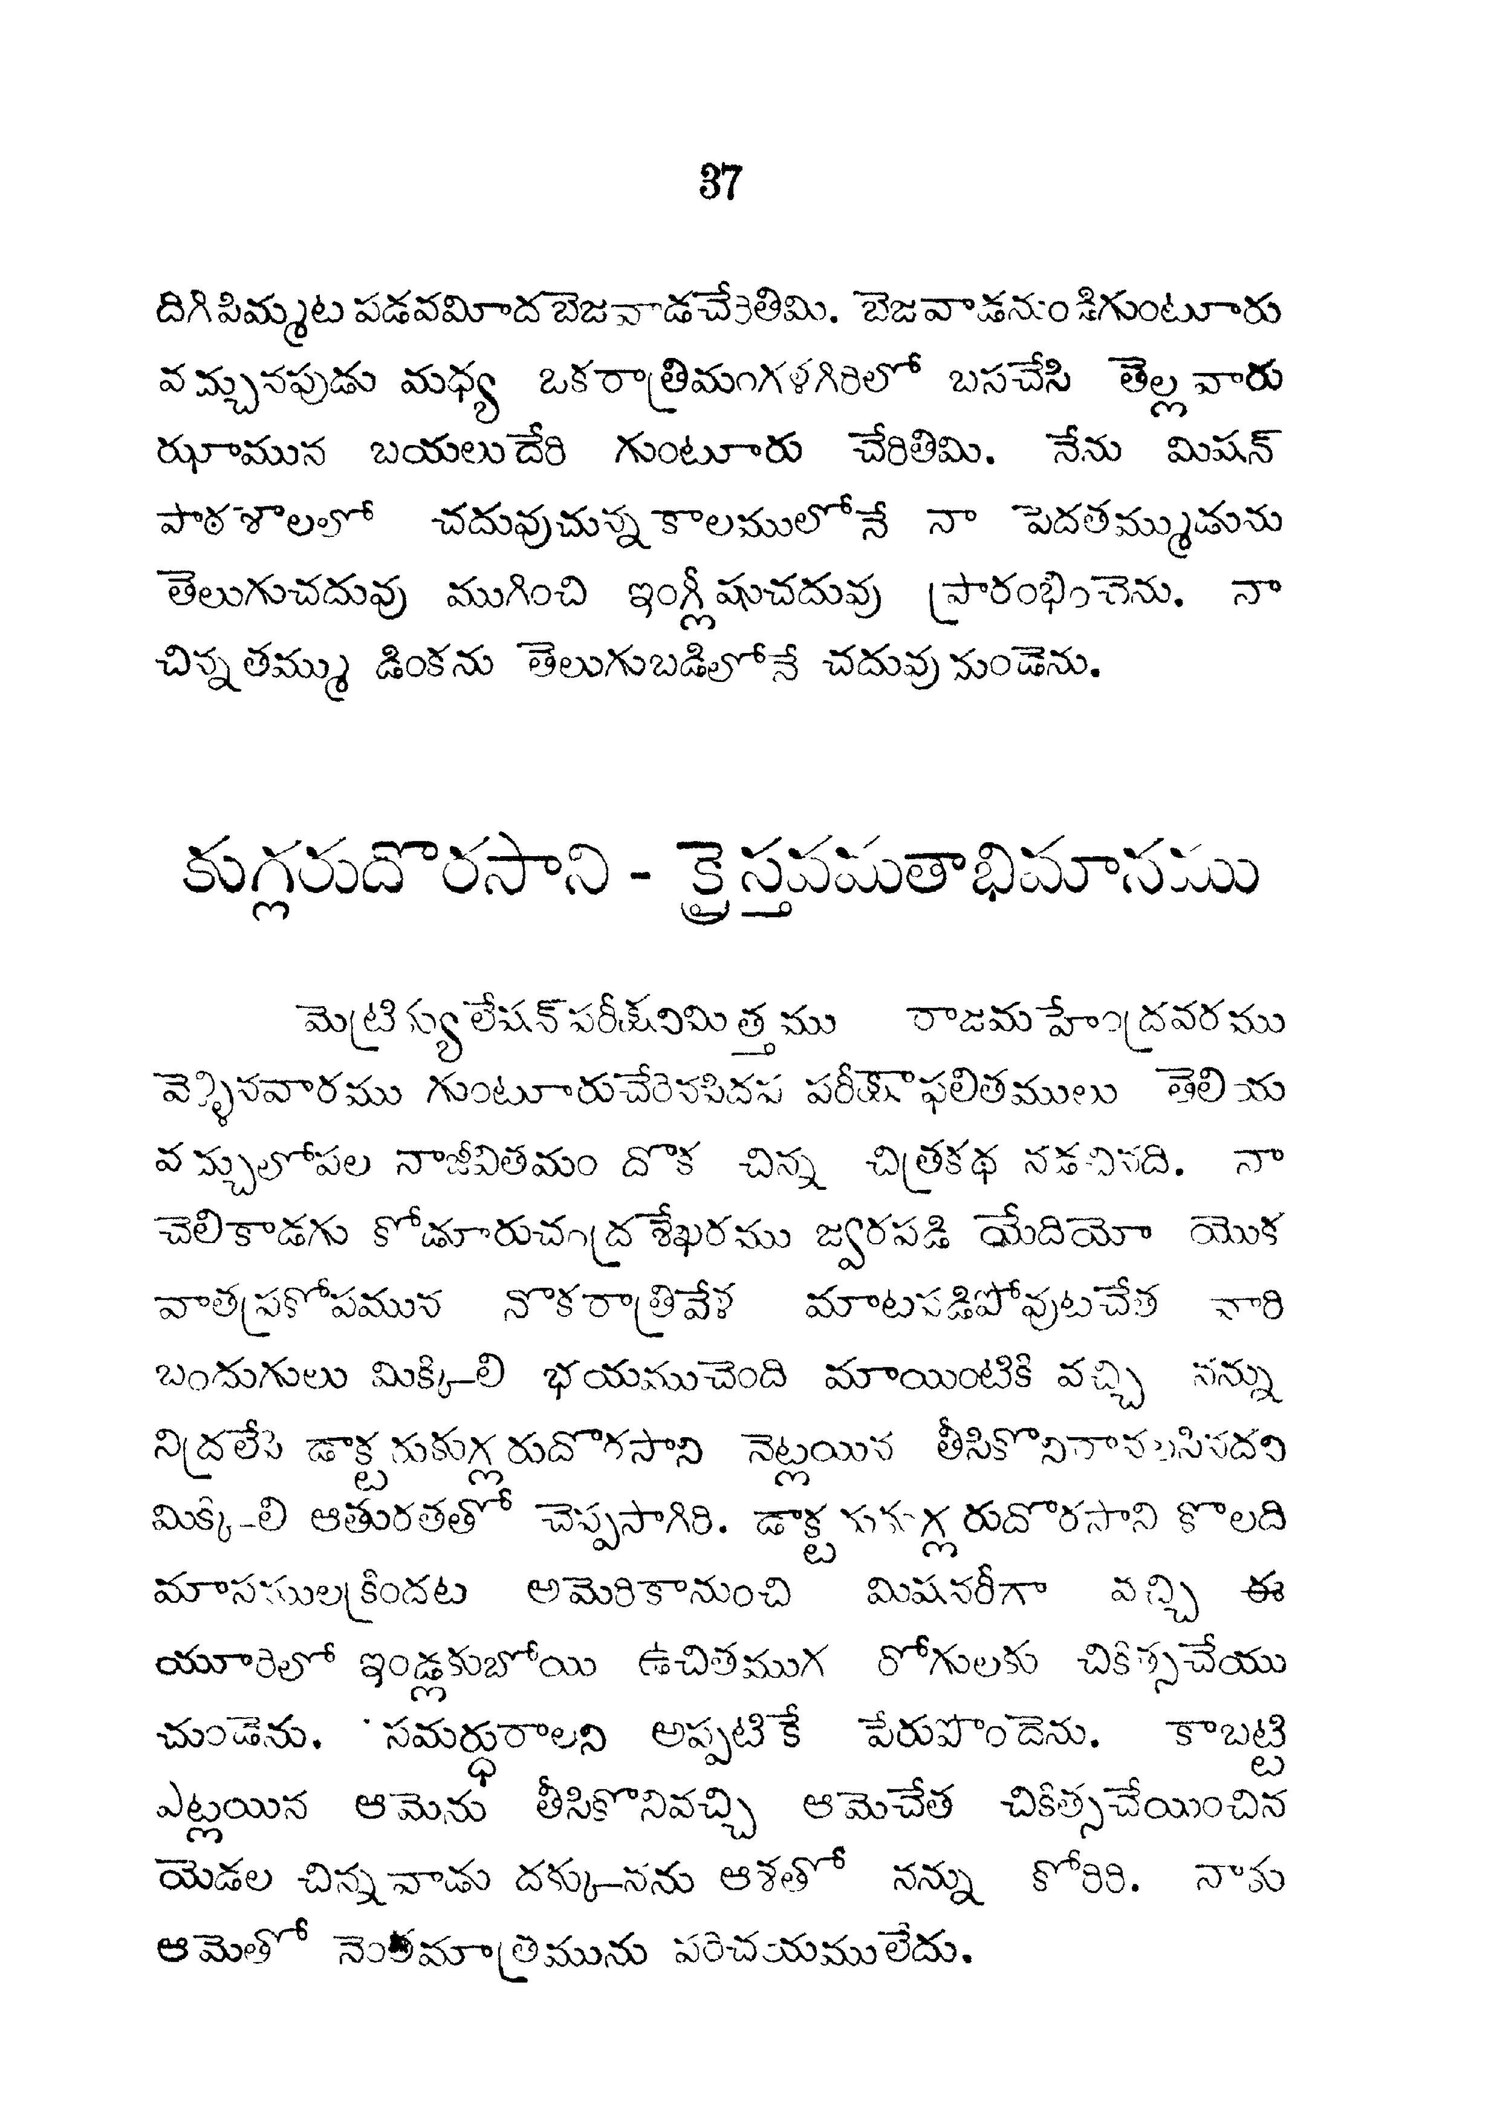దిగిపిమ్మట పడవమీద బెజవాడచేరితిమి. బెజవాడనుండిగుంటూరు వచ్చునపుడు మధ్య ఒకరాత్రి మంగళగిరిలో బసచేసి తెల్లవారుఝామున బయలుదేరి గుంటూరు చేరితిమి. నేను మిషన్ పాఠశాలలో చదువుచున్నకాలములోనే నా పెదతమ్ముడును తెలుగుచదువు ముగించి ఇంగ్లీషుచదువు ప్రారంభించెను. నా చిన్నతమ్ము డింకను తెలుగుబడిలోనే చదువుచుండెను.

మెట్రిక్యులేషన్‌పరీక్షనిమిత్తము రాజమహేంద్రవరము వెళ్ళినవారము గుంటూరుచేరినపిదప పరీక్షాఫలితములు తెలియవచ్చులోపల నాజీతమం దొక చిన్న చిత్రకథ నడచినది. నా చెలికాడగు కోడూరుచంద్రశేఖరము జ్వరపడి యేదియో యొక వాతప్రకోపమున నొకరాత్రివేళ మాటపడిపోవుటచేత వారి బందుగులు మిక్కిలి భయముచెంది మాయింటికి వచ్చి నన్ను నిద్రలేపి డాక్టరు కుగ్లరుదొరసాని నెట్లయిన తీసికొనిరావలసినదని మిక్కిలి ఆతురతతో చెప్పసాగిరి. డాక్టరు కుగ్లరుదొరసాని కొలది మాసములక్రిందట అమెరికానుంచి మిషనరీగా వచ్చి ఈ యూరిలో ఇండ్లకుబోయి ఉచితముగ రోగులకు చికిత్సచేయుచుండెను. సమర్ధురాలని అప్పటికే పేరుపొందెను. కాబట్టి ఎట్లయిన ఆమెను తీసికొనివచ్చి ఆమెచేత చికిత్సచేయించిన యెడల చిన్నవాడు దక్కునను ఆశతో నన్ను కోరిరి. నాకు ఆమెతో నెంతమాత్రమును పరిచయములేదు.